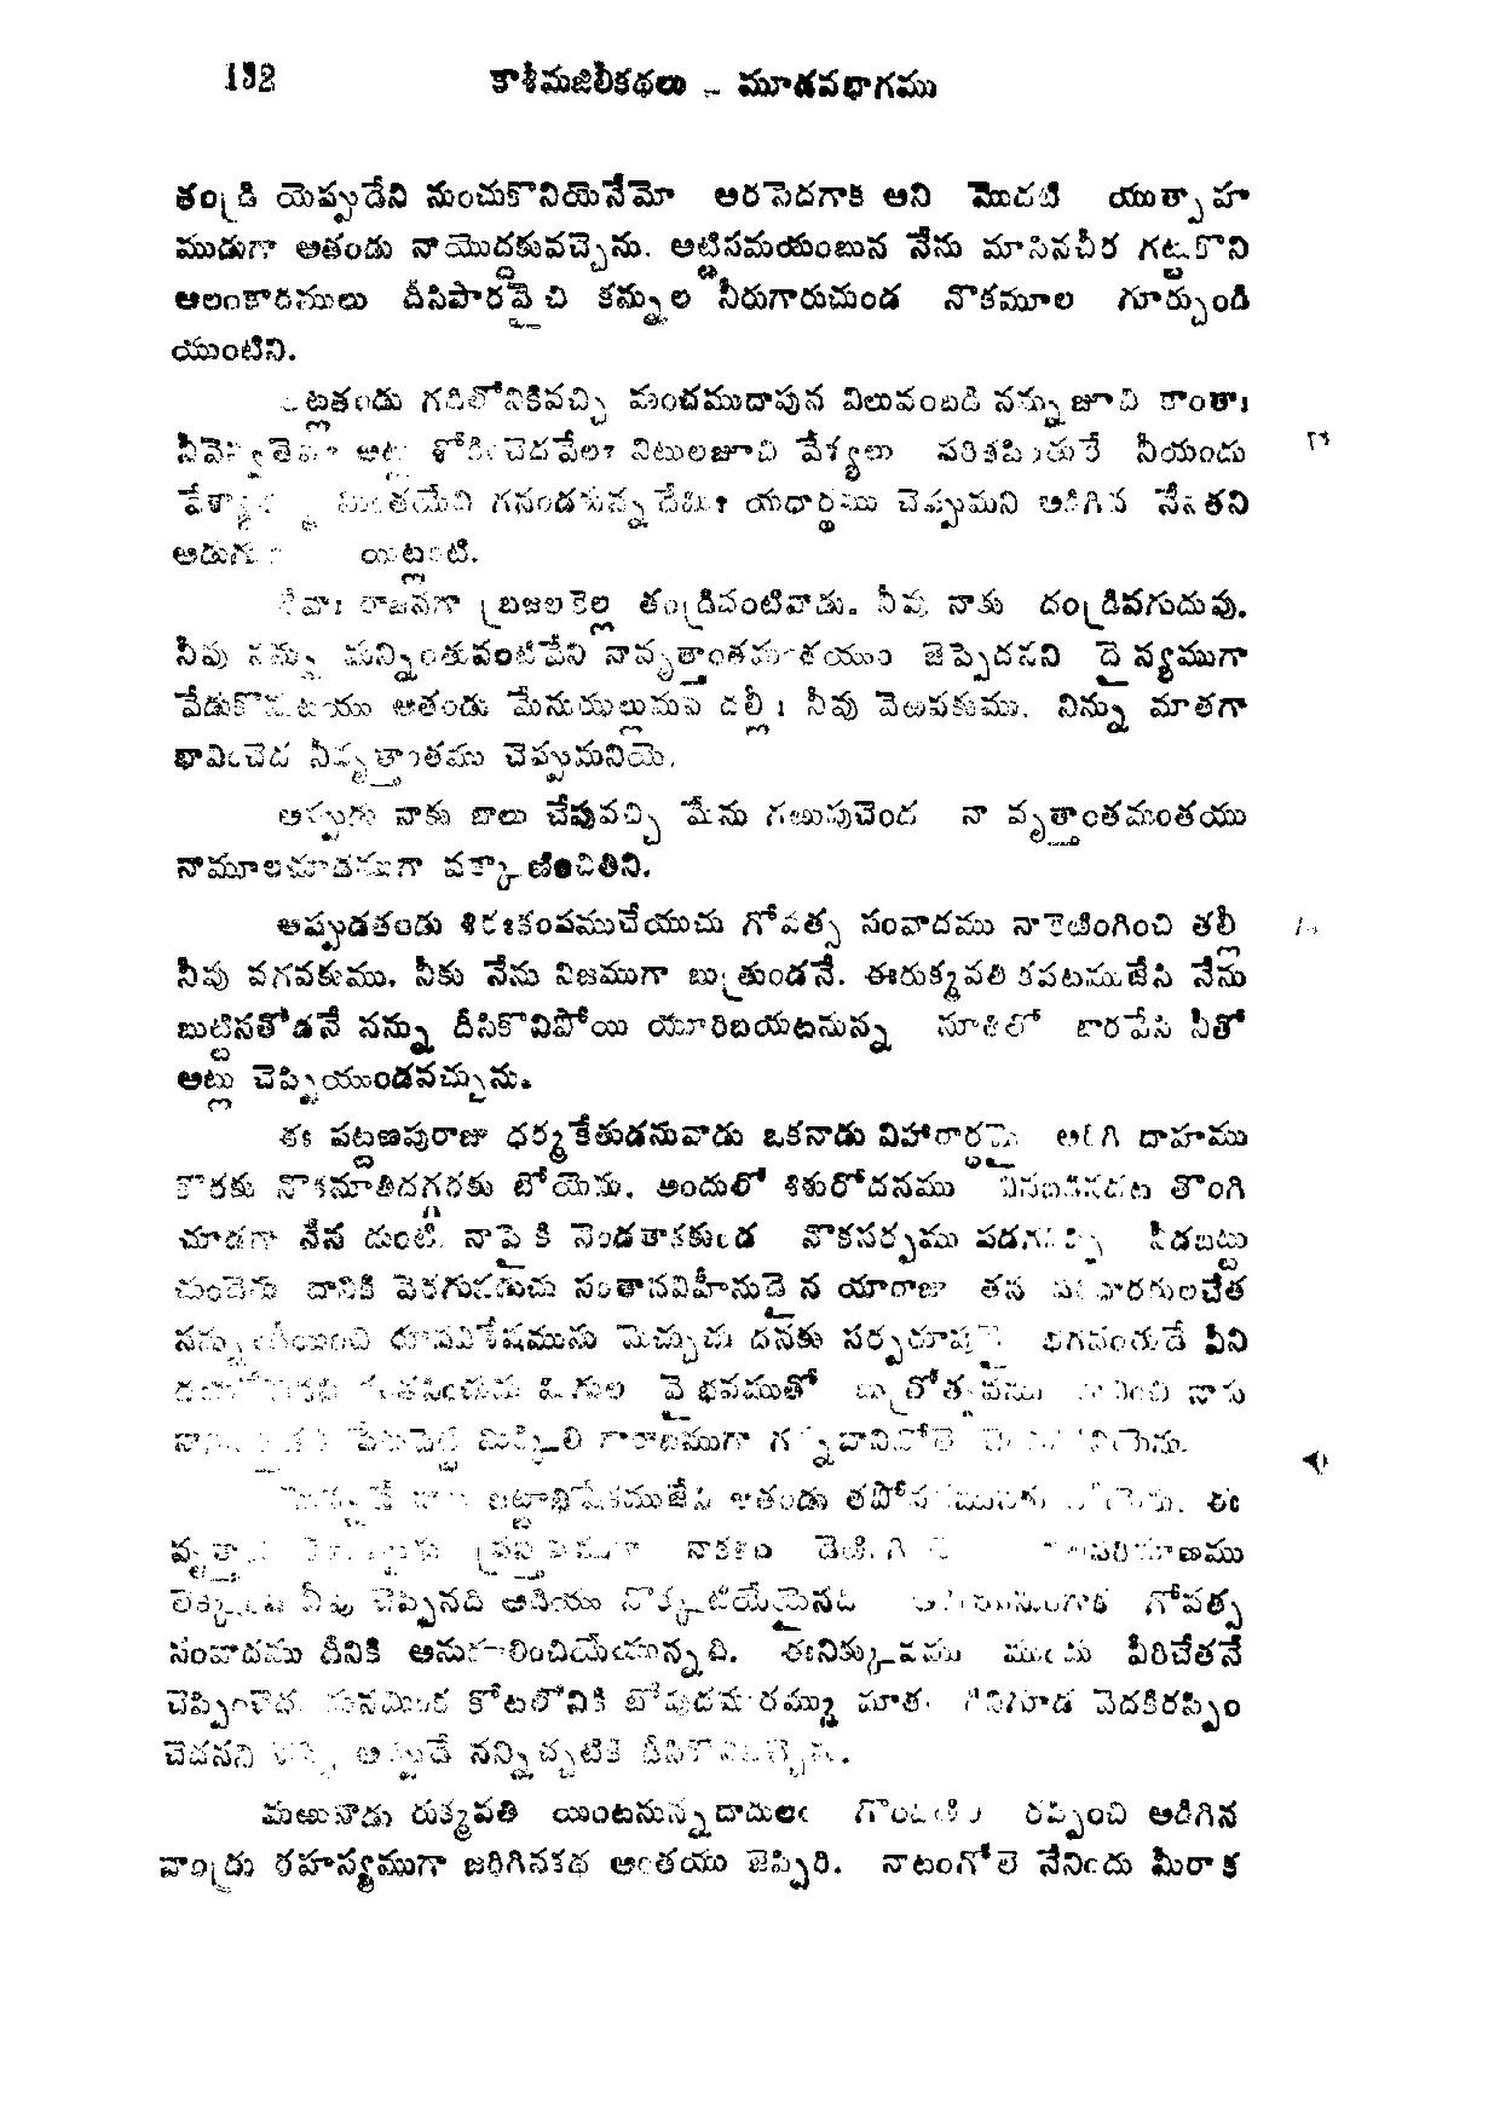తండ్రి యెప్పుడేని నుంచుకొనియెనేమో అరసెదగాక అని మొదటి యుత్సాహ ముడుగ అతండు నాయొద్దకువచ్చెను. అట్టిసమయంబున నేను మాసినచీర గట్టుకొని అలంకారములు దీసిపారవైచి కన్నుల నీరుగారుచుండ నొకమూల గూర్చుండి యుంటిని.

అట్లతండు గదిలోనికివచ్చి మంచముదాపున నిలువంబడి నన్ను జూచి కాంతా! నీవెవ్వతెవు అట్లు శోకించెదవేల? విటుల జూచి వేశ్యలు పరితపింతురే నీయందు వేశ్యాధర్మ మింతయేని గనంబడకున్నదేమి? యథార్థము చెప్పుమని అడిగిన నేనతని అడుగులకు యిట్లంటి.

దేవా! రాజనగా బ్రజలకెల్ల తండ్రివంటివాడు. నీవు నాకు దండ్రివగుదువు. నీవు నన్ను మన్నింతువంటివేని నావృత్తాంతమంతయుం జెప్పెదనని దైన్యముగా వేడుకొనుటయు అతండు మేను ఝల్లుమన దల్లీ! నీవు వెఱవకుము. నిన్ను మాతగా భావించెద నీవృత్తాంతము చెప్పుమనియె.

అప్పుడు నాకు బాలు చేపువచ్చి మేను గఱుపుచెంద నా వృత్తాంతమంతయు నామూలచూడముగా వక్కాణించితిని.

అప్పుడతండు శిరఃకంపము చేయుచు గోవత్ససంవాదము నా కెఱింగించి తల్లీ నీవు వగవకుము. నీకు నేను నిజముగా బుత్రుండనే. ఈరుక్మవతి కపటము జేసి నేను బుట్టినతోడనే నన్ను దీసికొనిపోయి యూరిబయటనున్న నూతిలో బారవేసి నీతో అట్లు చెప్పియుండవచ్చును.

ఈ పట్టణపురాజు ధర్మకేతుడనువాడు ఒకనాడు విహారార్థమై అరిగి దాహము కొరకు నొకనూతిదగ్గరకు బోయెను. అందులో శిశురోదనము వినబడినదట తొంగి చూడగా నే నందుంటి. నాపైకి నెండతాకకుండ నొకసర్పము పడగ విప్పి నీడబట్టుచుండెను. దానికి వెరగుపడుచు సంతానవిహీనుడైన యారాజు తన పరిచారకులచేత నన్నుదీయించి రూపవిశేషమును మెచ్చుచు దనకు సర్పరూపుడై భగవంతుడే వీని
దయచేసెనని సంతసించుచు మిగుల వైభవముతో బుత్రోత్సవము గావించి నాకు నాగదత్తుడని పేరుపెట్టి మిక్కిలి గారాబముగా గన్నవానివోలె బెంచుకొనియెను.

మొన్ననే నాకు బట్టాభిషేకముజేసి అతండు తపోవనమునకు బోయెను. ఈ వృత్తాంతము మైనమట్టుకు ప్రస్తావముగా నాకతం డెఱింగించెను. వయఃపరిమాణము లెక్కింప నీవు చెప్పినది అదియు నొక్కటియే యైనది. అదియునుంగాక గోవత్ససంవాదము దీనికి అనుకూలించియేయున్నది. ఈనిక్కువము ముందు వీరిచేతనే చెప్పించెద మనమింక కోటలోనికి బోవుదము రమ్ము మాతండ్రినిగూడ వెదకి రప్పించెదనని చెప్పి అప్పుడే నన్నిచ్చటికి దీసికొనివచ్చెను. 

మఱునాడు రుక్మవతి యింటనున్న దాదులఁ గొందఱిని రప్పించి అడిగిన వాండ్రు రహస్యముగా జరిగినకథ అంతయు జెప్పిరి. నాటంగోలె నేనిందు మీరాక